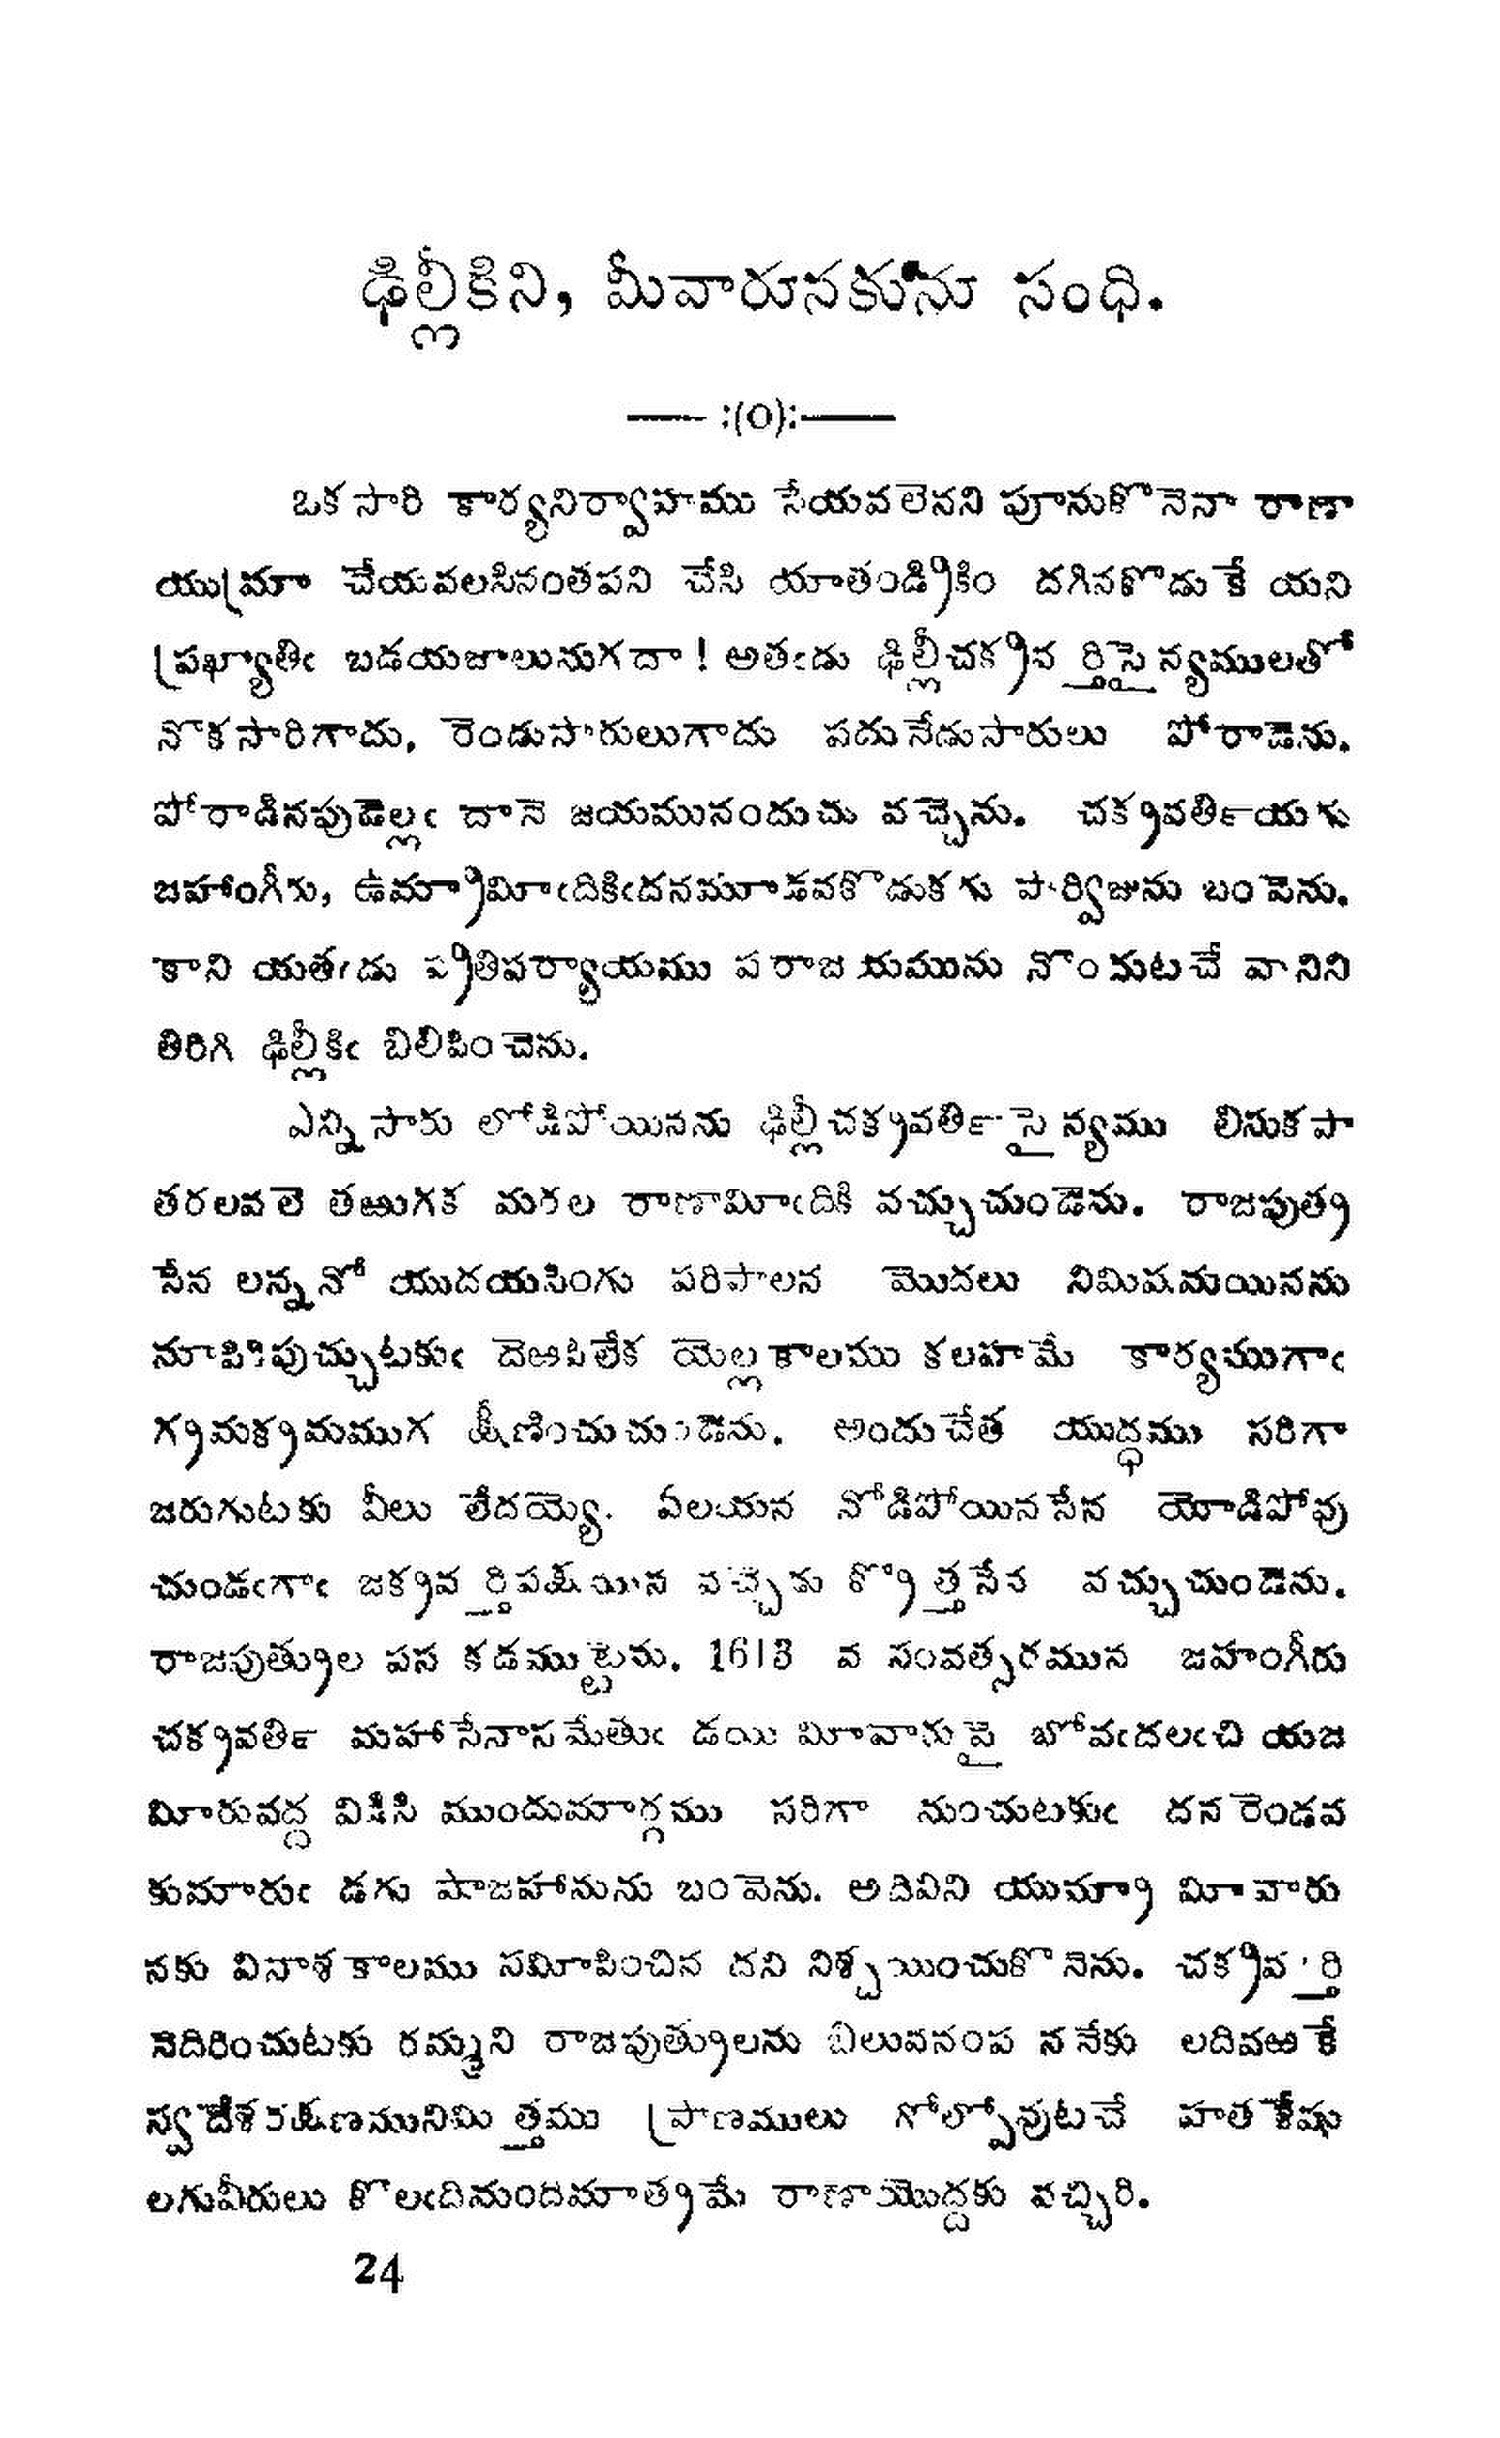ఒకసారి కార్యనిర్వాహము సేయవలెనని పూనుకొనెనా రాణా యుమ్రా చేయవలసినంతపని చేసి యాతండ్రికిం దగినకొడుకే యని ప్రఖ్యాతిఁ బడయ జాలునుగదా ! అతఁడు ఢిల్లీ చక్రవర్తి సైన్యములతో నొకసారిగాదు, రెండుసారులుగాదు పదునేడు సారులు పోరాడెను. పోరాడినపుడెల్లఁ దానె జయమునందుచు వచ్చెను. చక్రవతి౯యగు జహాంగీరు, ఉమ్రామీఁదికిఁదనమూడవ కొడుకగు పార్వీజును బంపెను. కాని యతఁడు ప్రతిపర్యాయము పరాజయమును నొందుటచే వానిని తిరిగి ఢిల్లీకిఁ బిలిపించెను.

ఎన్నిసారు లోడిపోయినను ఢిల్లీ చక్రవతి౯ సైన్యము లిసుక పాతరలవలె తఱుగక మరల రాణామీఁదికి వచ్చుచుండెను. రాజపుత్ర సేన లన్ననో యుదయసింగు పరిపాలన మొదలు నిమిషమయినను నూపిరి పుచ్చుటకుఁ దెఱపి లేక యెల్ల కాలము కలహమే కార్యముగాఁ గ్రమక్రమముగ క్షీణించుచుండెను. అందుచేత
యుద్ధము సరిగా జరుగుటకు వీలు లేదయ్యె. ఏలయన నోడిపోయిన సేన యోడిపోవు చుండఁగాఁ జక్రవర్తి పక్షమున వచ్చెడు క్రోత్త సేన వచ్చుచుండెను. రాజపుత్రుల పస కడముట్టెను. 1613 వ సంవత్సరమున జహంగీరు చక్రవతి౯ మహా సేనాసమేతుఁ డయి మీవారు పై బోవఁదలఁచి యజమీరు వద్ద విడిసి ముందు మార్గము సరిగా నుంచుటకుఁ దన రెండవ కుమారుఁ డగు షాజహానును బంపెను. అదివిని యుమ్రా మీవారు
నకు వినాశ కాలము సమీపించినదని నిశ్చయించుకొనెను. చక్రవర్తి నెదిరించుటకు రమ్మని రాజపుత్రులను బిలువనంప ననేకు లదివఱకే స్వదేశరక్షణము నిమిత్తము ప్రాణములు గోల్పోవుటచే హతశేషులగు వీరులు కొలఁదిమంది మాత్రమే రాణా యొద్దకు వచ్చిరి.